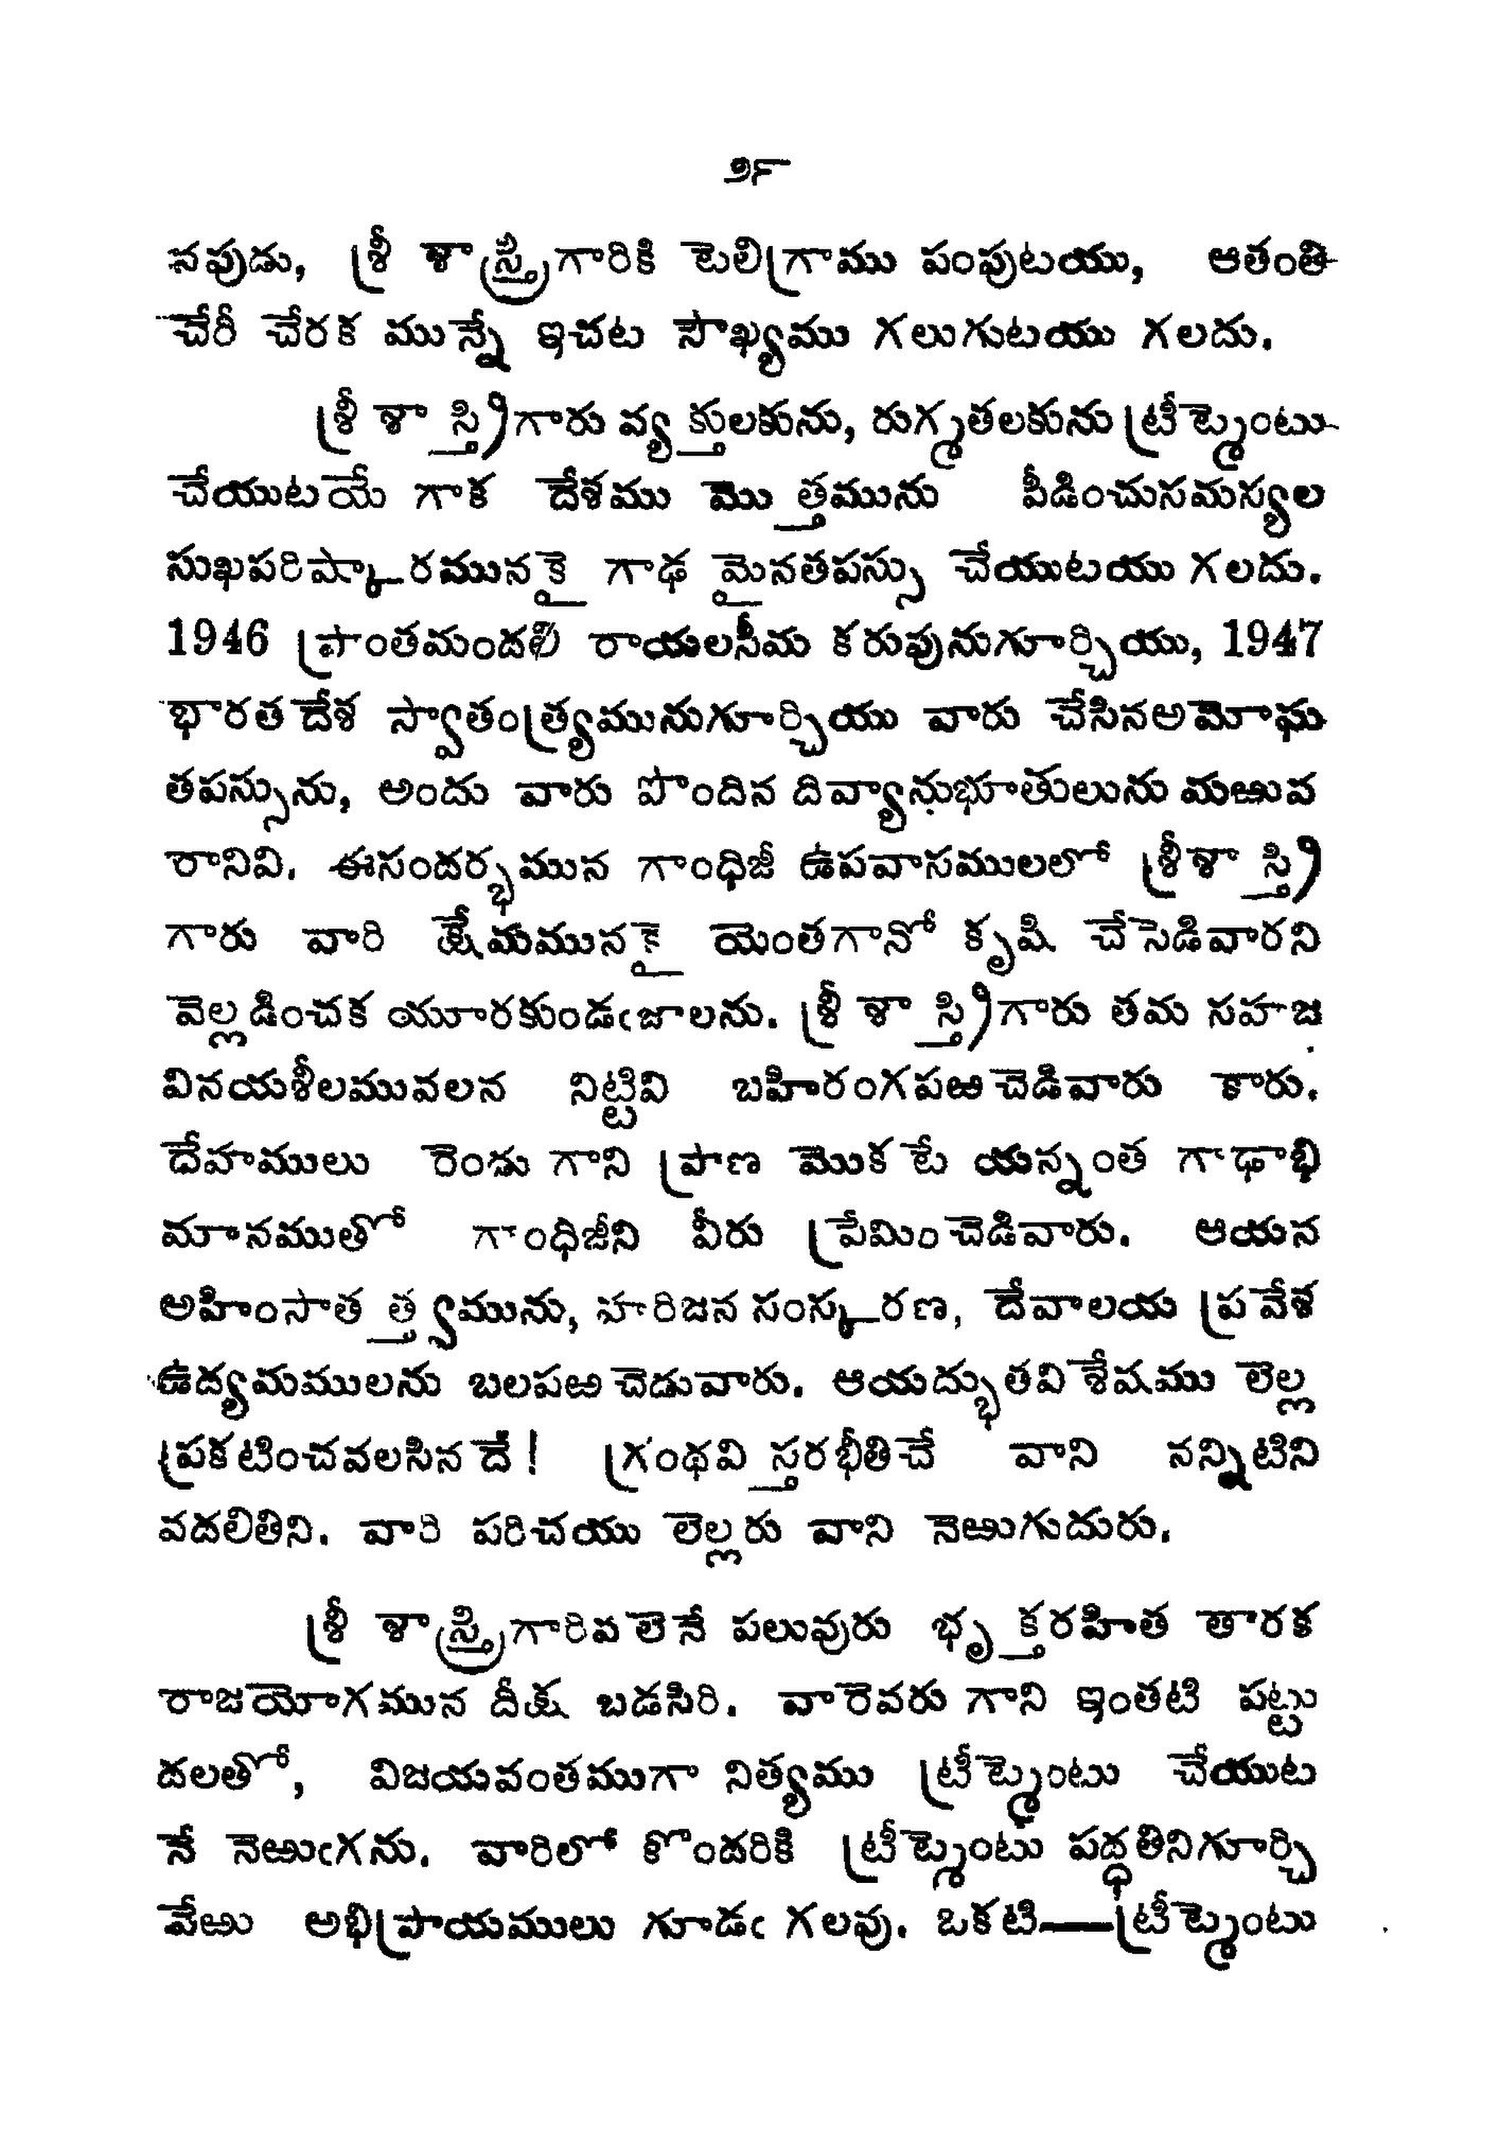నపుడు, శ్రీ శాస్త్రిగారికి టెలిగ్రాము పంపుటయు, ఆ తంతి చేరి చేరక మున్నె ఇచట సౌఖ్యము గలుగుటయు గలదు.
 శ్రీ శాస్త్రిగారు వ్యక్తులకును, రుగ్మతలకును ట్రీట్మెంటు చేయుటయే గాక దేశము మొత్తమును పీడించుసమస్యల సుఖపరిష్కారమునక్తె గాఢామ్తెన తపస్సు చేయుటయుగలదు. 1946 ప్రాంతమందలి రాయలసీమ కరువునుగూర్చియూ, 1947 భారతదేశ స్వాతంత్ర్యమును గూర్చియూ వారు చేసిన అమోఘ తపస్సును, అందువారు పొందిన దివ్యానుభూతులును మరువ రానివి, ఈసందర్భమున గాంధిజీ ఉపవాసములలో శ్రీ శాస్త్రి గారు వారి క్షేమమునక్తె యెంతగానో కృషి చేసెడివారని వెల్లడించక యూరకుండఁజాలను. శ్రీశాస్త్రిగారు తమ సహజ వినయశీలమువలన నిట్టివి బహిరంగపఱచెడివారు అయన ఆహింసాత తత్వమును, హరిజనసంస్కరణ, దేవాలయప్రవేశ ఉద్యమములను బలపరచెడువారు. ఆ యధ్బుత విశేషము లెల్ల ప్రకటించవలసినదే! గ్రంధవి స్తరభీతిచే వాని నన్నింటిని వదలితిని వారి పరిచయు లెల్లరు వాని నెఱుగుదురు
 శ్రీ శాస్త్రిగారివలెనె పలువురు భృక్తరహిత తారక రాజయోగమున దీక్ష బడసిరి వారెవరు గాని ఇంతటి పట్టు దలతో, విజయవంతముగా నిత్యము ట్రీట్మెంటు పద్ధతిని గూర్చి వేఱు అభిప్రాయములు గూడ గలవు. ఒకటి ........... ట్రీట్మెంటు